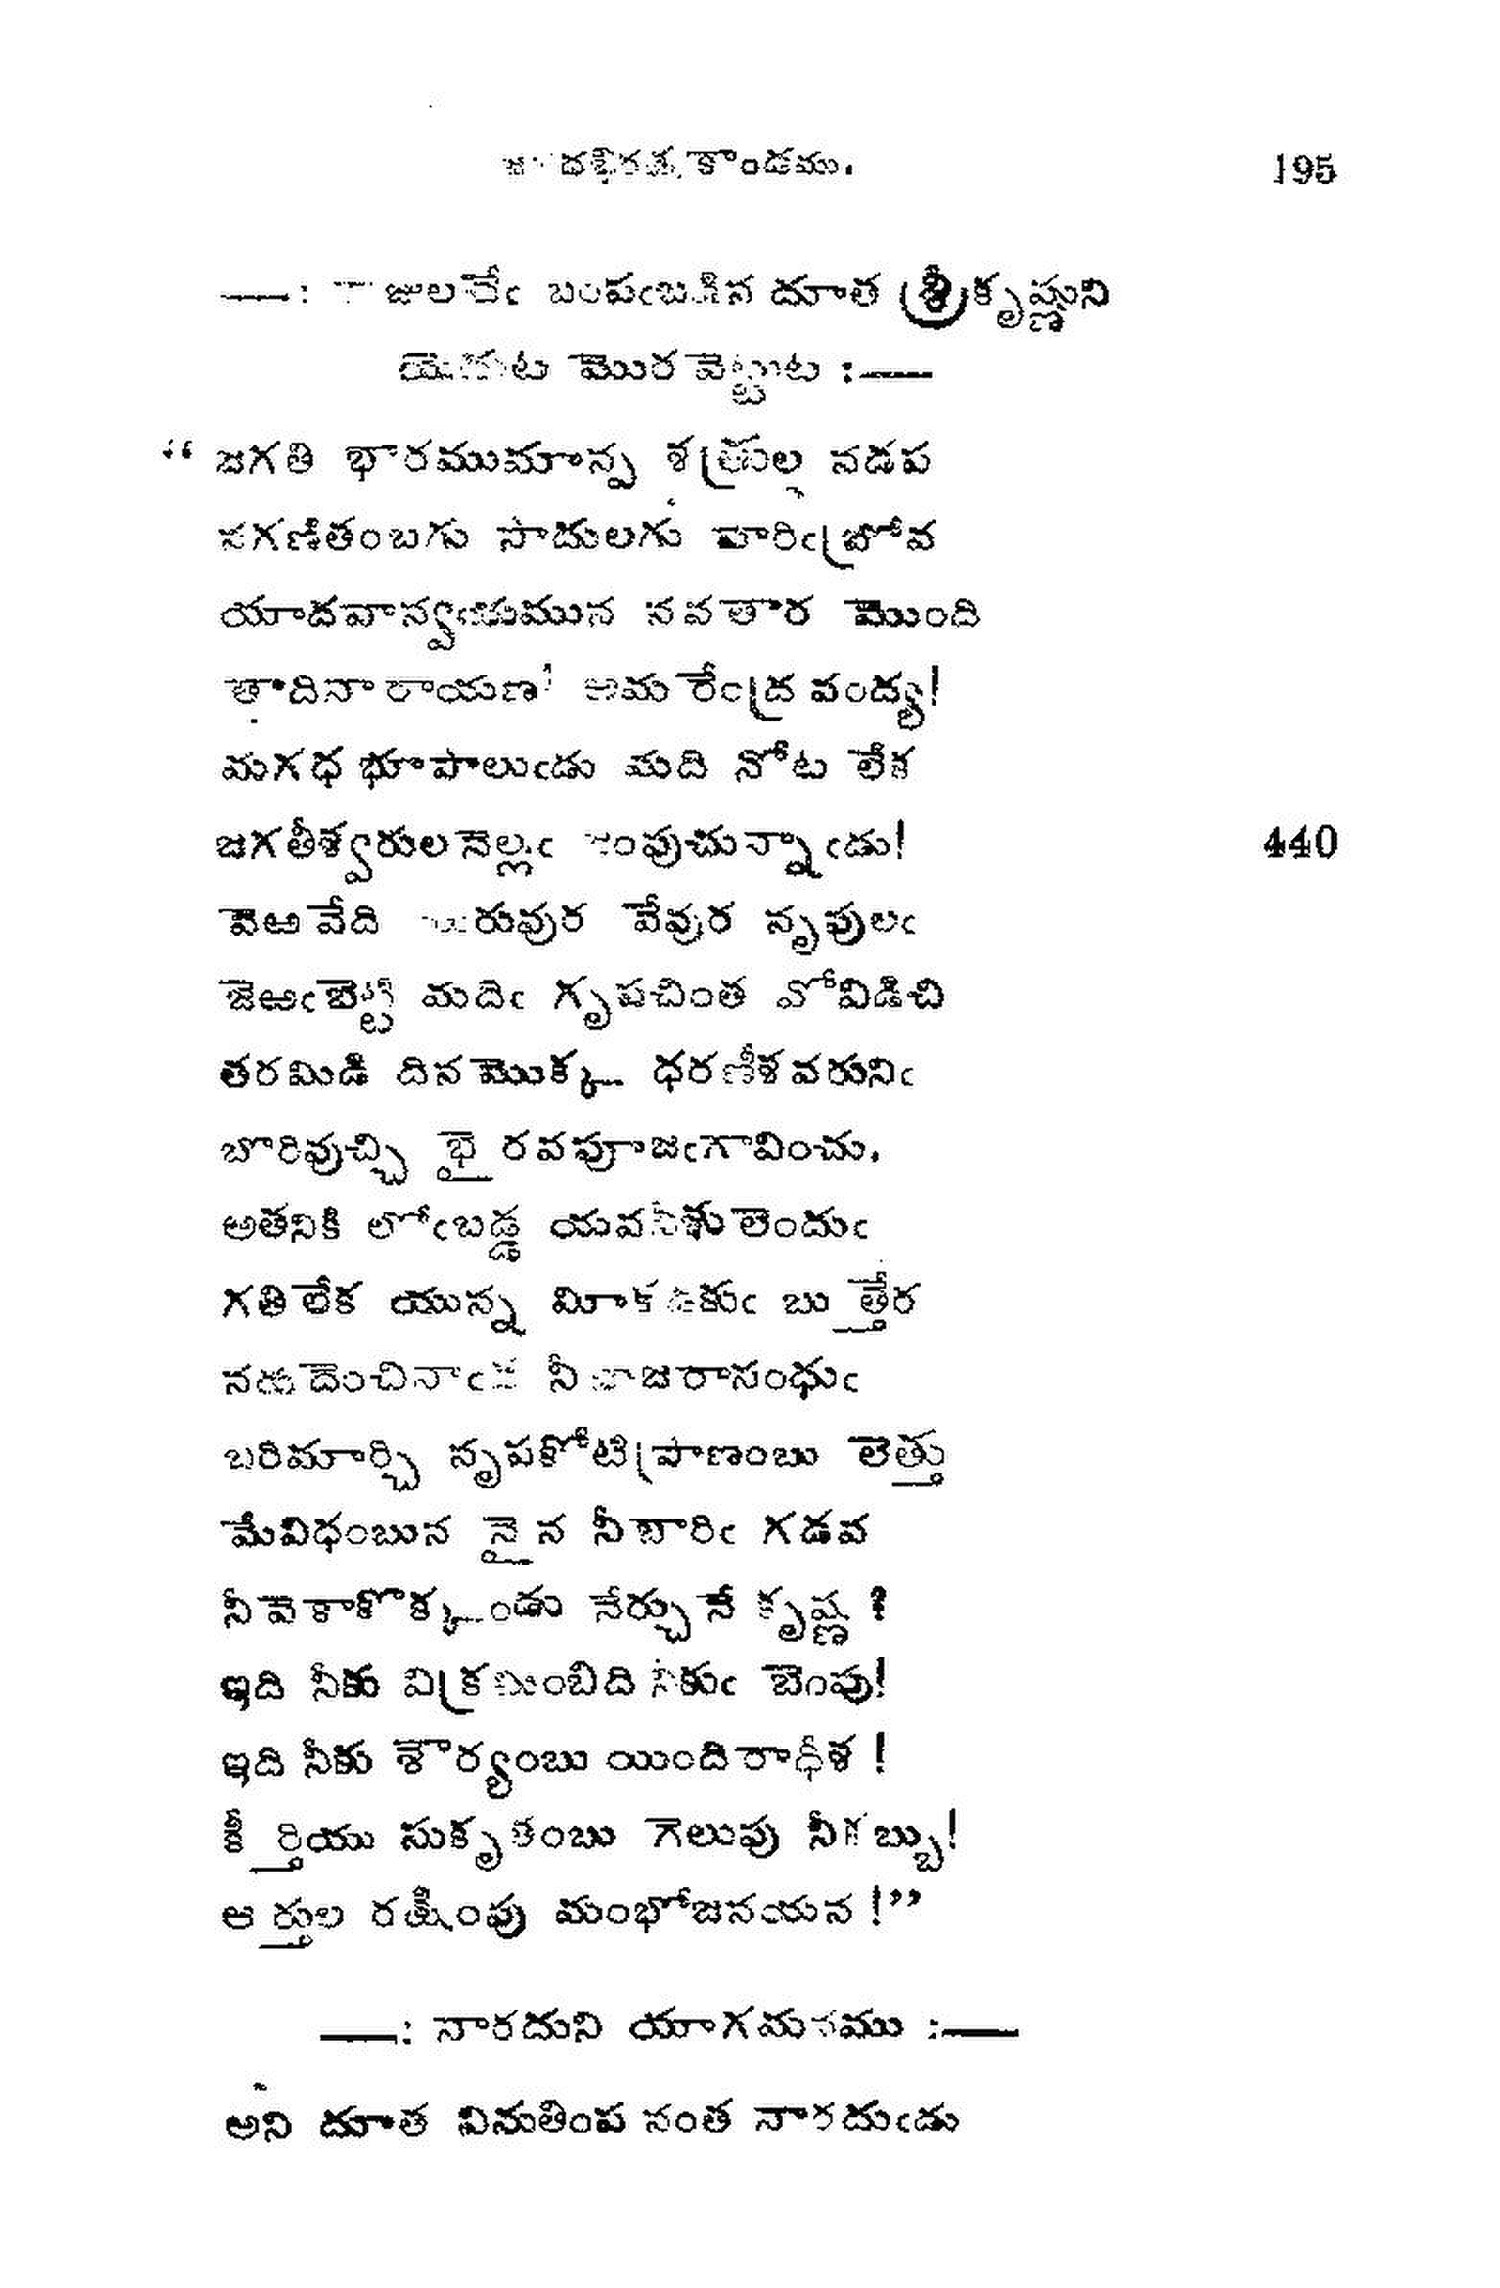“జగతి భారము మాన్ప శత్రుల నడప
నగణితంబగు సాదులగు వారిఁగావ
యాదవాన్వయమున నవతారమొంది
తాదినారాయణ! అమరేంద్రవంద్య! 
మగధభూపాలుఁడు మది నోట లేక
జగతీశ్వరులనెల్లఁ జంపుచున్నాఁడు! 
వెఱవేది యిరువుర వేవుర నృపులఁ
జెఱఁబెట్టి మదిఁ గృపచింత వోవిడిచి
తరమిడి దినమొక్క ధరణీశవరునిఁ
బొరివుచ్చి భైరవపూజఁగావించు. 
అతనికి లోఁబడ్డ యవనీశులెందుఁ
గతిలేక యున్న మీకడకుఁ బుత్తేర
నరుదెంచినాఁడ నీవాజరాసంధుఁ
బరిమార్చి నృపకోటి ప్రాణంబు లెత్తు
మేవిధంబున నైన నీబారిఁ గడవ
నీవెకాకొక్కండు నేర్చునే కృష్ణ? 
ఇది నీకు విక్రమింబిది నీకుఁ బెంపు! 
ఇది నీకు శౌర్యంబు యిందిరాధీశ! 
కీర్తియు సుకృతంబు గెలుపు నీకబ్బు! 
ఆర్తుల రక్షింపు మంభోజనయన!”

అని దూత వినుతింప నంత నారదుఁడు